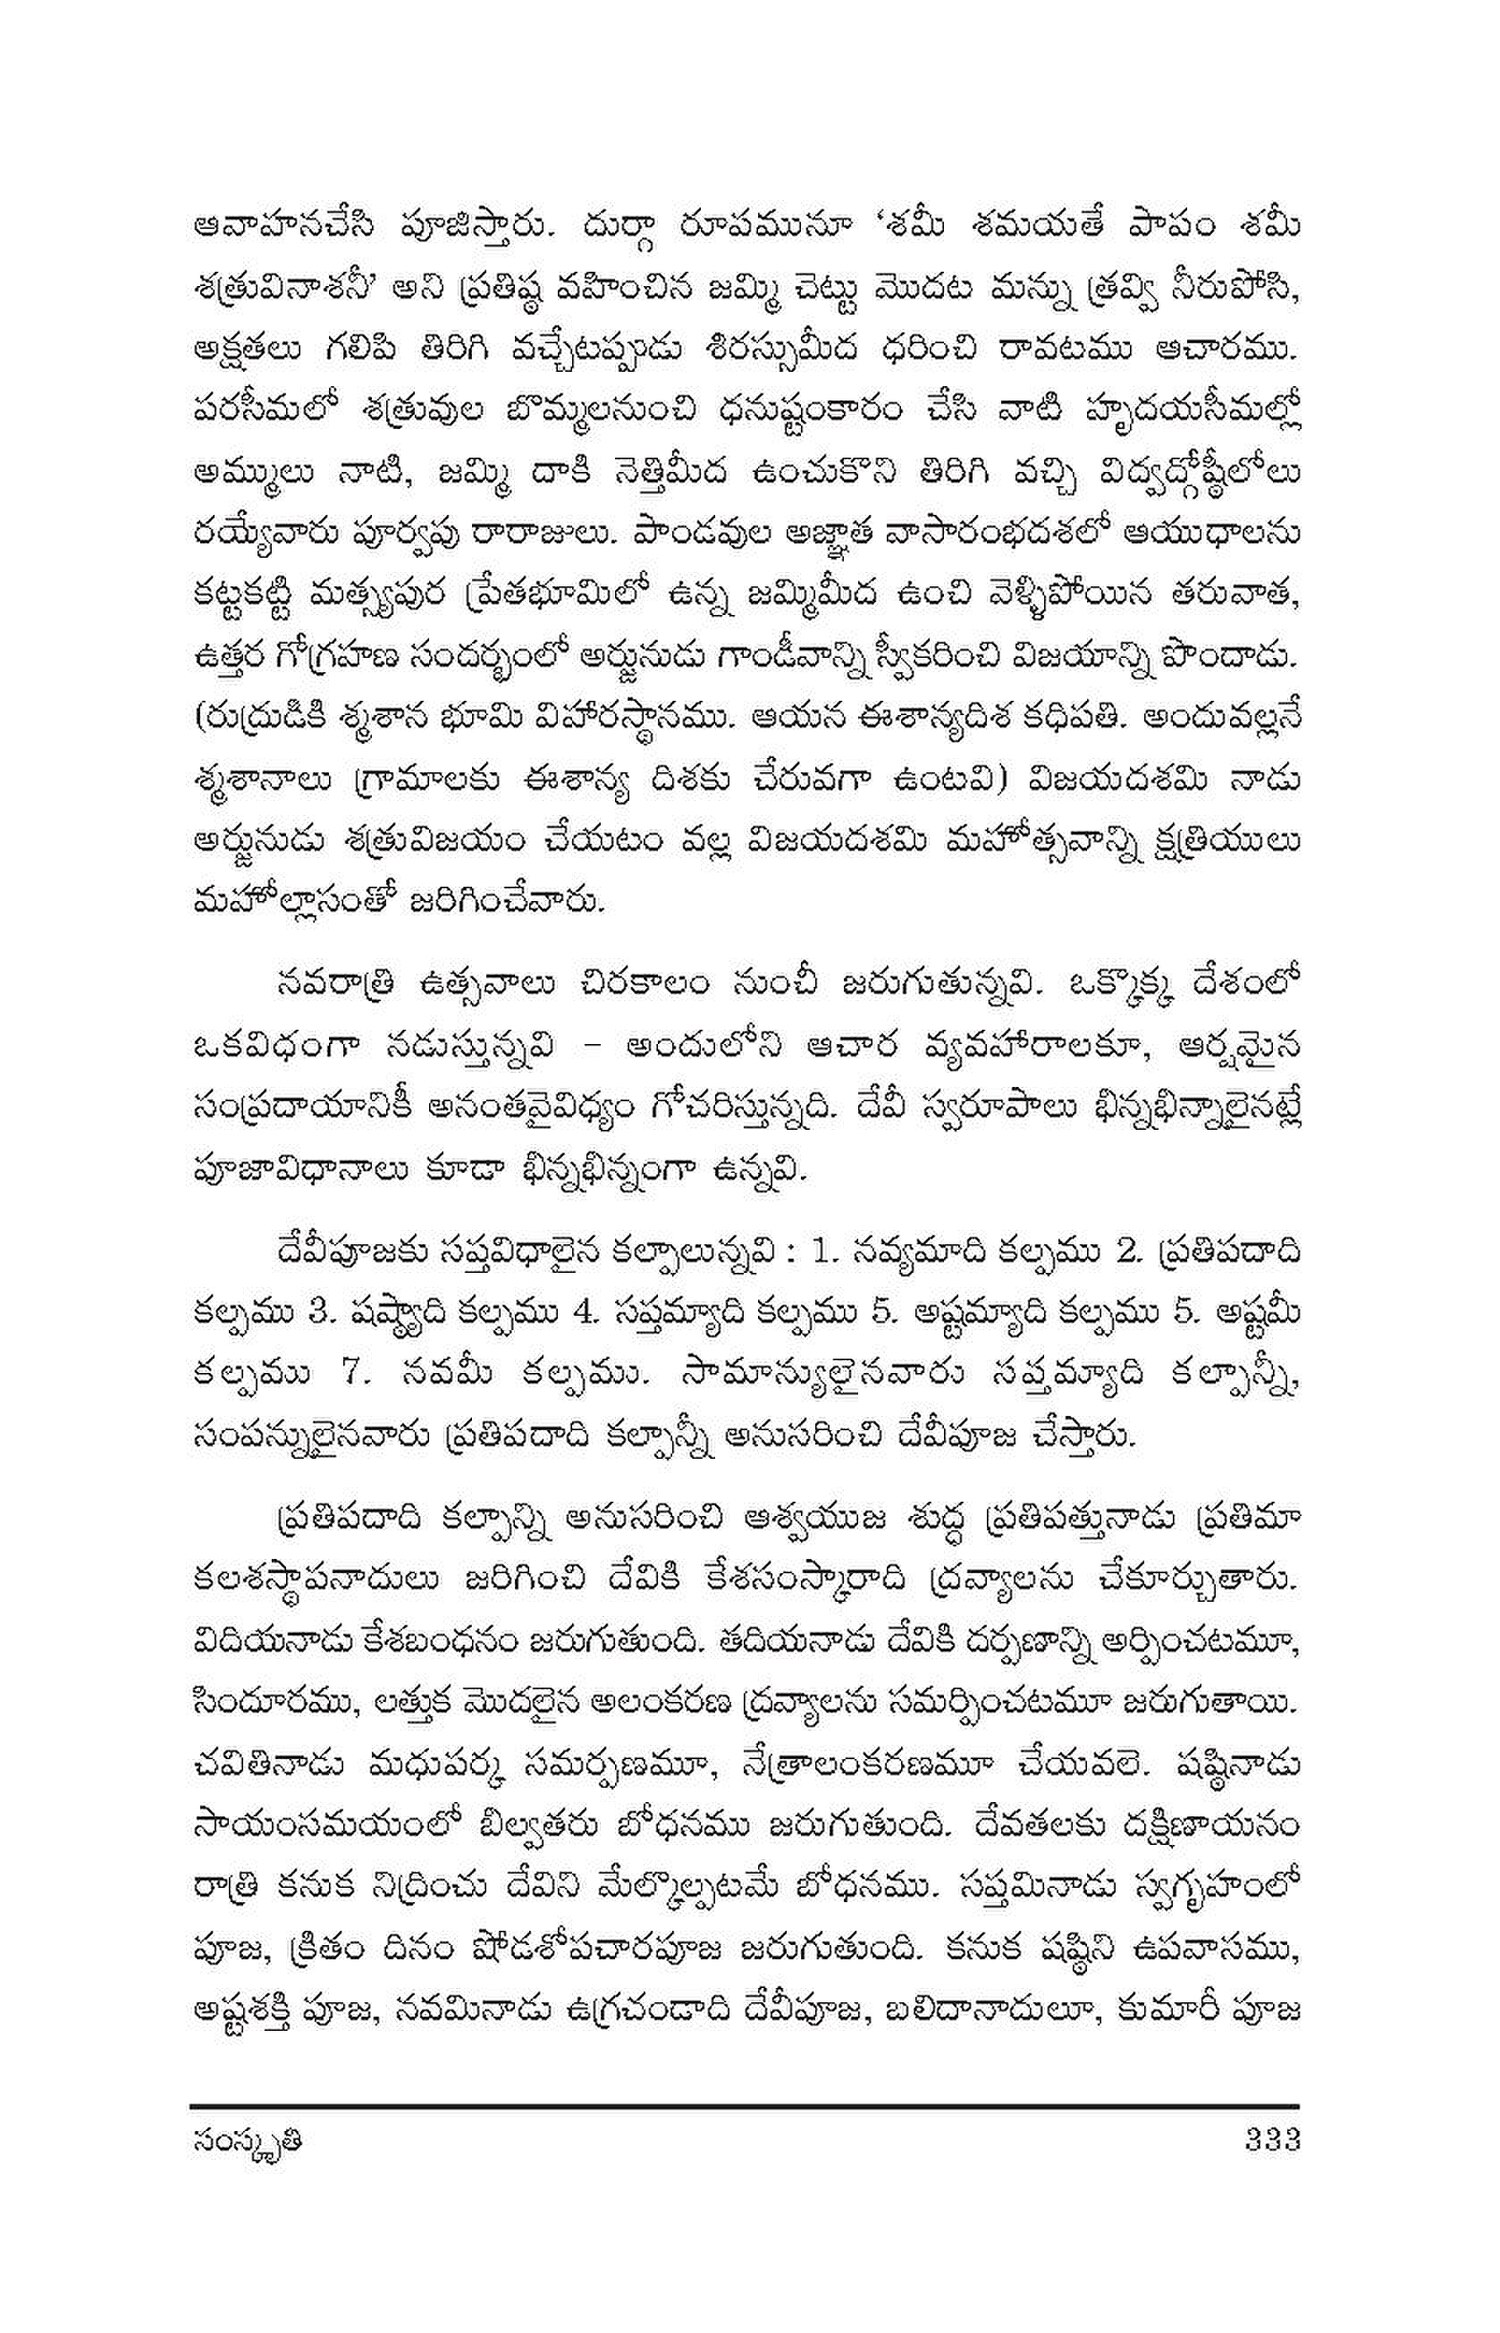ఆవాహనచేసి పూజిస్తారు. దుర్గా రూపమునూ 'శమీ శమయతే పాపం శమీ
శత్రువినాశనీ' అని ప్రతిష్ఠ వహించిన జమ్మి చెట్టు మొదట మన్ను త్రవ్వి నీరుపోసి,
అక్షతలు గలిపి తిరిగి వచ్చేటప్పుడు శిరస్సుమీద ధరించి రావటము ఆచారము.
పరసీమలో శత్రువుల బొమ్మలనుంచి ధనుష్టంకారం చేసి వాటి హృదయసీమల్లో
అమ్ములు నాటి, జమ్మి దాకి నెత్తిమీద ఉంచుకొని తిరిగి వచ్చి విద్వదోష్ఠీలోలు
రయ్యేవారు పూర్వపు రారాజులు. పాండవుల అజ్ఞాత వాసారంభదశలో ఆయుధాలను
కట్టకట్టి మత్స్యపుర ప్రేతభూమిలో ఉన్న జమ్మిమీద ఉంచి వెళ్ళిపోయిన తరువాత,
ఉత్తర గోగ్రహణ సందర్భంలో అర్జునుడు గాండీవాన్ని స్వీకరించి విజయాన్ని పొందాడు.
(రుద్రుడికి శ్మశాన భూమి విహారస్థానము. ఆయన ఈశాన్యదిశ కధిపతి. అందువల్లనే
శ్మశానాలు గ్రామాలకు ఈశాన్య దిశకు చేరువగా ఉంటవి) విజయదశమి నాడు
అర్జునుడు శత్రువిజయం చేయటం వల్ల విజయదశమి మహోత్సవాన్ని క్షత్రియులు
మహోల్లాసంతో జరిగించేవారు.

నవరాత్రి ఉత్సవాలు చిరకాలం నుంచీ జరుగుతున్నవి. ఒక్కొక్క దేశంలో
ఒకవిధంగా నడుస్తున్నవి. అందులోని ఆచార వ్యవహారాలకూ, అర్హమైన
సంప్రదాయానికీ అనంతవైవిధ్యం గోచరిస్తున్నది. దేవీ స్వరూపాలు భిన్నభిన్నాలైనట్లే
పూజావిధానాలు కూడా భిన్నభిన్నంగా ఉన్నవి.

దేవీపూజకు సప్తవిధాలైన కల్పాలున్నవి: 1. నవ్యమాది కల్పము 2. ప్రతిపదాది
కల్పము 3. షష్ట్యాది కల్పము 4. సప్తమ్యాది కల్పము 5. అష్టమ్యాది కల్పము 5. అష్టమీ
కల్పము 7. నవమీ కల్పము. సామాన్యులైనవారు సప్తమ్యాది కల్పాన్నీ,
సంపన్నులైనవారు ప్రతిపదాది కల్పాన్నీ అనుసరించి దేవీపూజ చేస్తారు.

ప్రతిపదాది కల్పాన్ని అనుసరించి ఆశ్వయుజ శుద్ధ ప్రతిపత్తునాడు ప్రతిమా
కలశస్థాపనాదులు జరిగించి దేవికి కేశసంస్కారాది ద్రవ్యాలను చేకూర్చుతారు.
విదియనాడు కేశబంధనం జరుగుతుంది. తదియనాడు దేవికి దర్పణాన్ని అర్పించటమూ,
సిందూరము, లత్తుక మొదలైన అలంకరణ ద్రవ్యాలను సమర్పించటమూ జరుగుతాయి.
చవితినాడు మధుపర్క సమర్పణమూ, నేత్రాలంకరణమూ చేయవలె. షష్ఠినాడు
సాయంసమయంలో బిల్వతరు బోధనము జరుగుతుంది. దేవతలకు దక్షిణాయనం
రాత్రి కనుక నిద్రించు దేవిని మేల్కొల్పటమే బోధనము. సప్తమినాడు స్వగృహంలో
పూజ, క్రితం దినం షోడశోపచారపూజ జరుగుతుంది. కనుక షష్ఠిని ఉపవాసము,
అష్టశక్తి పూజ, నవమినాడు ఉగ్రచండాది దేవీపూజ, బలిదానాదులూ, కుమారీ పూజ